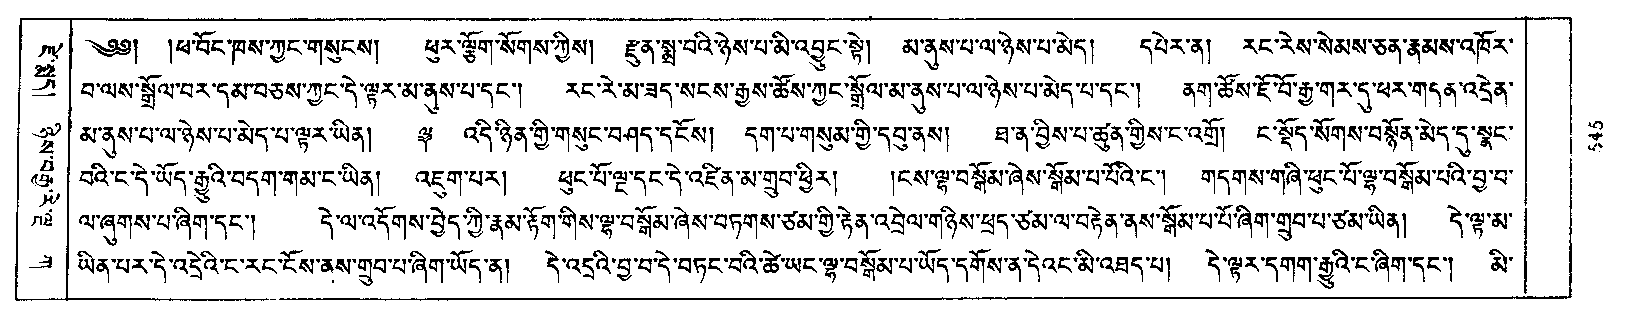༄༅། །ཕ་བོང་ཁས་ཀྱང་གསུངས། ཕུར་ལྕོག་སོགས་ཀྱིས། རྫུན་སྨྲ་བའི་ཉེས་པ་མི་འབྱུང་སྟེ། མ་ནུས་པ་ལ་ཉེས་པ་མེད། དཔེར་ན། རང་རེས་སེམས་ཅན་རྣམས་འཁོར་
བ་ལས་སྒྲོལ་བར་དམ་བཅས་ཀྱང་དེ་ལྟར་མ་ནུས་པ་དང་། རང་རེ་མ་ཟད་སངས་རྒྱས་ཚོས་ཀྱང་སྒྲོལ་མ་ནུས་པ་ལ་ཉེས་པ་མེད་པ་དང་། ནག་ཚོས་ཇོ་བོ་རྒྱ་གར་དུ་ཕར་གདན་འདྲེན་
མ་ནུས་པ་ལ་ཉེས་པ་མེད་པ་ལྟར་ཡིན། ༈ འདི་ཉིན་གྱི་གསུང་བཤད་དངོས། དག་པ་གསུམ་གྱི་དབུ་ནས། ཐ་ན་བྱིས་པ་ཚུན་གྱིས་ང་འགྲོ། ང་སྡོད་སོགས་བསྙོན་མེད་དུ་སྣང་
བའི་ང་དེ་ཡོད་རྒྱུའི་བདག་གམ་ང་ཡིན། འཇུག་པར། ཕུང་པོ་ལྔ་དང་དེ་འཛིན་མ་གྲུབ་ཕྱིར། །ངས་ལྷ་བསྒོམ་ཞེས་སྒོམ་པ་པོའི་ང་། གདགས་གཞི་ཕུང་པོ་ལྷ་བསྒོམ་པའི་བྱ་བ་
ལ་ཞུགས་པ་ཞིག་དང་། དེ་ལ་འདོགས་བྱེད་ཀྱི་རྣམ་རྟོག་གིས་ལྷ་བསྒོམ་ཞེས་བཏགས་ཙམ་གྱི་རྟེན་འབྲེལ་གཉིས་ཕྲད་ཙམ་ལ་བརྟེན་ནས་སྒོམ་པ་པོ་ཞིག་གྲུབ་པ་ཙམ་ཡིན། དེ་ལྟ་མ་
ཡིན་པར་དེ་འདྲེའི་ང་རང་ངོས་ནས་གྲུབ་པ་ཞིག་ཡོད་ན། དེ་འདྲའི་བྱ་བ་དེ་བཏང་བའི་ཚེ་ཡང་ལྷ་བསྒོམ་པ་ཡོད་དགོས་ན་དེའང་མི་འཐད་པ། དེ་ལྟར་དགག་རྒྱུའི་ང་ཞིག་དང་། མི་